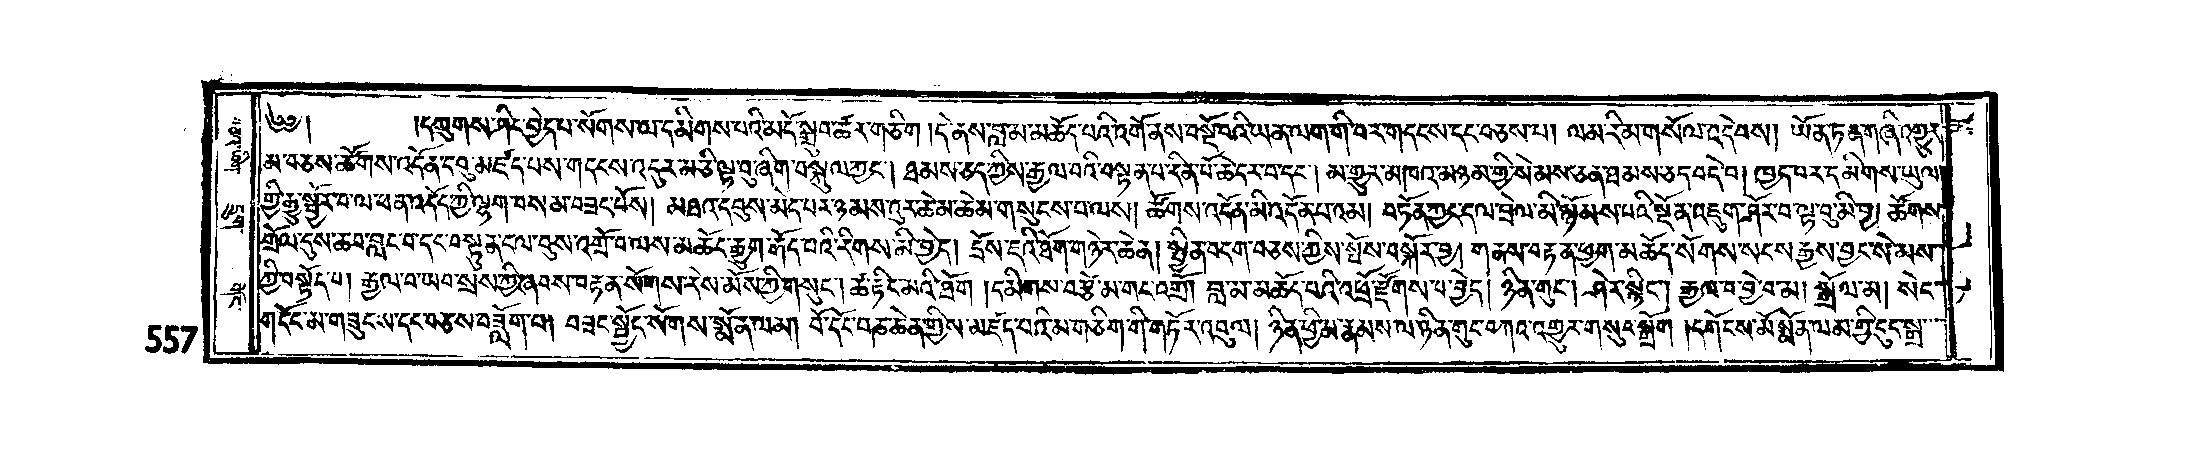༄༅། །དཀྲུགས་ཤིང་བྱེད་པ་སོགས་ལ་དམིགས་པའི་མདོ་སྒྲུབ་ཚར་གཅིག །དེ་ནས་བླ་མ་མཆོད་པའི་འགོ་ནས་བསྔོ་བའི་ཡན་ལག་གི་བར་གདངས་དང་བཅས་པ། ལམ་རིམ་གསོལ་འདེབས། ཡོན་ཏན་གཞི་འགྱུར་
མ་བཅས་ཚོགས་འདོན་དབུ་མཛད་པས་གདངས་འདུར་མ་ཅི་ལྟ་བུ་ཞིག་བསྐུལ་ཀྱང་། ཐམས་ཅད་ཀྱིས་རྒྱལ་བའི་བསྟན་པ་རིན་པོ་ཆེ་དར་བ་དང་། མ་གྱུར་མཁའ་མཉམ་གྱི་སེམས་ཅན་ཐམས་ཅད་བདེ་བ། ཁྱད་པར་དམིགས་ཡུལ་
གྱི་རྒྱུ་སྦྱོར་བ་ལ་ཕན་འདོད་ཀྱི་ལྷག་བསམ་བཟང་པོས། མཐའ་དབུས་མེད་པར་ཉམས་འུར་ཆེམ་ཆེམ་གསུངས་པ་ལས། ཚོགས་འདོན་མི་འདོན་པའམ། བཏོན་ཀྱང་དལ་བྲེལ་མི་སྙོམས་པའི་སྔོན་འཇུག་ཤོར་བ་ལྟ་བུ་མི་བྱ། ཚོགས་
གྲོལ་དུས་ཆབ་བླང་བ་དང་བསྟུན་ངལ་བུས་འགྲོ་བ་ལས་མཆོད་རྒྱུག་རྒོད་པའི་རིགས་མི་བྱེད། དྲོས་ཇའི་ཐོག་གཉེར་ཆེན། སྤྱིན་བདག་བཅས་ཀྱིས་སྤོས་བསྐོར་བྱ། གནས་བརྟན་ཕྱག་མཆོད་སོགས་སངས་རྒྱས་བྱང་སེམས་
ཀྱི་བསྟོད་པ། རྒྱལ་བ་ཡབ་སྲས་ཀྱི་ཞབས་བརྟན་སོགས་རེས་མོས་ཀྱི་གསུང་། ཚ་རྟིང་མའི་ཐོག །དམིགས་བརྩེ་མ་གང་འགྲོ། བླ་མ་མཆོད་པའི་འཕྲོ་རྫོགས་པ་བྱེད། ཉིན་གུང་། ཤེར་སྙིང་། རྒྱལ་བ་བྱེ་བ་མ། སྒྲོལ་མ། སེང་
གདོང་མ་གཟུངས་དང་བཅས་བཟློག་པ། བཟང་སྤྱོད་སོགས་སྨོན་ལམ། བོ་དོང་པཎ་ཆེན་གྱིས་མཛད་པའི་མ་གཅིག་གི་གཏོར་འབུལ། ཉིན་ཕྱི་མ་རྣམས་ལ་ཉིན་གུང་བཀའ་འགྱུར་གསུང་སྒྲོག །དགོངས་མོ་སྨོན་ལམ་གྱི་དུང་སྒྲ་